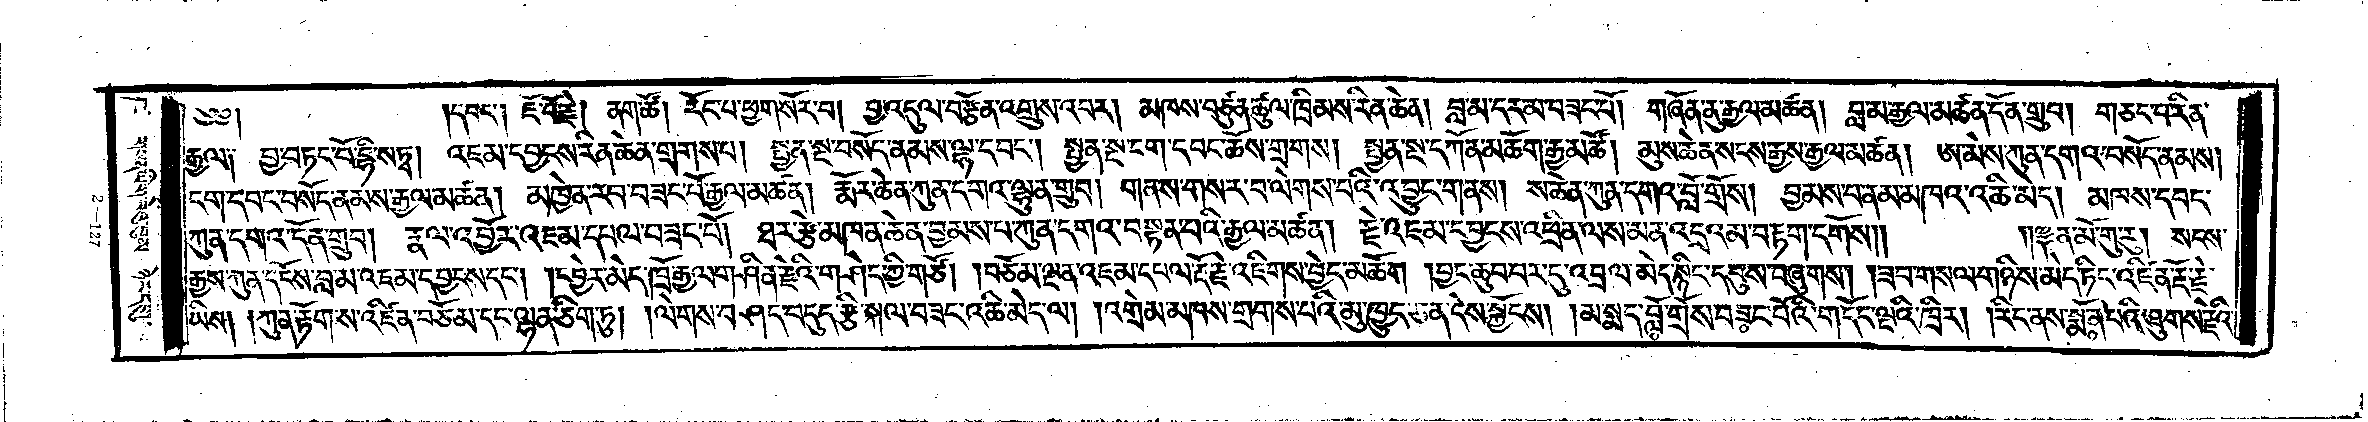༄༅། །དབང་། ཇོ་བོ་རྗེ། ནག་ཚོ། རོང་པ་ཕྱག་སོར་བ། བྱ་འདུལ་བརྩོན་འགྲུས་འབར། མཁས་བཙུན་ཚུལ་འཁྲིམས་རིན་ཆེན། བླ་མ་དར་མ་བཟང་པོ། གཞོན་ནུ་རྒྱལ་མཚན། བླ་མ་རྒྱལ་མཚན་དོན་གྲུབ། གཅང་བ་རིན་
རྒྱལ༑ བྱ་བཏང་བོ་དྷི་སཏྭ། འཇམ་དབྱངས་རིན་ཆེན་གྲགས་པ། སྤྱན་སྔ་བསོད་ནམས་ལྷ་དབང་། སྤྱན་སྔ་ངག་དབང་ཆོས་གྲགས། སྤྱན་སྔ་དཀོན་མཆོག་རྒྱ་མཚོ། མུས་ཆེན་སངས་རྒྱས་རྒྱལ་མཚན། ཨ་མེས་ཀུན་དགའ་བསོད་ནམས།
ངག་དབང་བསོད་ནམས་རྒྱལ་མཚན། མཁྱེན་རབ་བཟང་པོ་རྒྱལ་མཚན། རྨོར་ཆེན་ཀུན་དགའ་ལྷུན་གྲུབ། གནས་གསར་བ་ལེགས་པའི་འབྱུང་གནས། ས་ཆེན་ཀུན་དགའ་བློ་གྲོས། བྱམས་པ་ནམ་མཁའ་འཆི་མེད། མཁས་དབང་
ཀུན་དགའ་དོན་གྲུབ། རྣལ་འབྱོར་འཇམ་དཔལ་བཟང་པོ། ཐར་རྩེ་མཁན་ཆེན་བྱམས་པ་ཀུན་དགའ་བསྟན་པའི་རྒྱལ་མཚན། རྗེ་འཇམ་དབྱངས་འཕྲིན་ལས་མན་འདྲའམ་བརྟག་དགོས།། །། ༈ ན་མོ་གུ་རུ། སངས་
རྒྱས་ཀུན་དངོས་བླ་མ་འཇམ་དབྱངས་དང་། །དབྱེར་མེད་ཁྲོ་རྒྱལ་གཤིན་རྗེའི་གཤེད་ཀྱི་གཙོ། །བཅོམ་ལྡན་འཇམ་དཔལ་རྡོ་རྗེ་འཇིགས་བྱེད་མཆོག །བྱང་ཆུབ་བར་དུ་འབྲལ་མེད་སྙིང་དབུས་བཞུགས། །ཟབ་གསལ་གཉིས་མེད་ཏིང་འཛིན་རྡོ་རྗེ་
ཡིས། །ཀུན་རྟོག་ས་འཛིན་བཅོམ་དང་ལྷན་ཅིག་ཏུ། །ལེགས་བཤད་བདུད་རྩི་སྐལ་བཟང་འཆི་མེད་ལ། །འགྲེམ་མཁས་གྲགས་པའི་མུ་ཁྱུང་ཅན་དེས་སྐྱོངས། །མ་སྨད་བློ་གྲོས་བཟང་པོའི་གདོང་ལྔའི་ཁྲིར། །རིང་ནས་སྨོན་པའི་ཐུགས་རྗེའི་